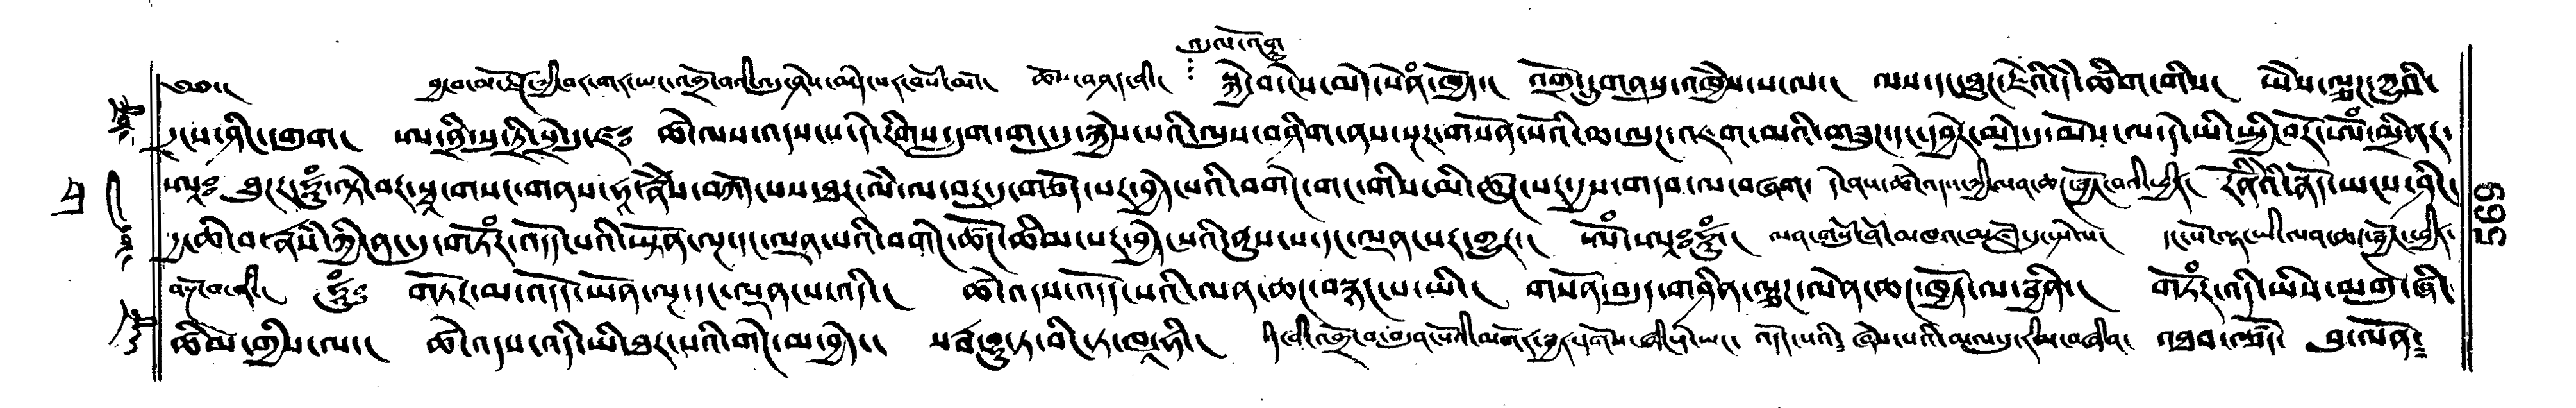བྱ་བ་རྫོགས་ཀྱི་བར་གར་ཡང་འགྲོ་བའི་འདུཤེས་མེད་པར་བསམ་མོ། ཆོས་བཤད་ནི་འདུལ་འོག་ཏུ། སྐྱེ་བ་ངེས་མེད་སེམས་ཅན་ཁྱོད། །འགྲོ་དྲུག་གནས་སུ་འཁྱམས་པ་ལ། །ལས་དང་ཐུགས་རྗེའི་དམ་ཚིག་གིས། །ཡེ་ཤེས་ལྕགས་ཀྱུའི་
དྲངས་ཤིང་དགུག ཨ་ནྲི་སུ་ཏྲི་པྲེ་དུ་ཛཿ ཚེ་ལས་འདས་པ་དེ་རིགས་དྲུག་གང་དུ་སྐྱེས་པའི་ལུས་བཤིག་ནས་སྔར་སོན་པོའི་ཆ་ལུགས་འཇག་མའི་གཟུགས་དང་དབྱེར་མེད་དུ་མོས་ལ་དེ་ཡི་སྤྱི་བོར་ཨོཾ། མགྲིན་པར་
ཨཱཿ ཐུགས་ཀར་ཧཱུྃ། ལྟེ་བར་སྭ། གསང་གནས་སུ་ཧཱ་རྣམས་བཀོད་པས་ཐར་ལམ་ལ་བར་དུ་གཅོད་པར་བྱེད་པའི་བགེགས་གང་གིས་མི་ཚུགས་པར་རྒྱས་གདབ་ལ་བཞག དེ་ནས་ཚེ་འདས་ཀྱི་ལན་ཆགས་སྦྱོང་བའི་ཕྱིར ། རིན་པོ་ཆེའི་སྣོད་ཡངས་ཤིང་
རྒྱ་ཆེ་བ་རྣམས་ཀྱི་ནང་དུ་གཏོར་མ་འདོད་པའི་ཡོན་ཏན་ལྔ་དང་ལྡན་པའི་བགེགས་ཚོགས་ཚིམ་པར་བྱེད་པའི་ནུས་པ་དང་ལྡན་པར་གྱུར། ཨོཾ་ཨཱཿཧ྄ཱུཾ། ལན་གསུམ་ནམ་མཁའ་མཛོད་དུ་སྤེལ། དང་པོ་ལྷ་ཡི་ལན་ཆགས་སྦྱོར་ཕྱིར་
བསྔོ་བ་ནི། ཧཱུཾ། གཏོར་མ་འདོད་ཡོན་ལྔ་དང་ལྡན་པ་འདི། ཚེ་འདས་འདོད་པའི་ལན་ཆགས་བསྙགས་པ་ཡི། །གསོན་བདུད་གཤིན་ལྕགས་ལན་ཆགས་ཁྱོད་ལ་སྦྱིན། །གཏོར་མ་འདི་ཡིས་མགུ་ཞིང་
ཚིམ་གྱིས་ལ། །ཚེ་འདས་འདི་ཡི་ཐར་པའི་གེགས་མ་བྱེད། སརྦ་བྷུ་ཏ་བ་ལིང་ཏ་ཁཱ་ཧི། འདི་ནི་འགྲོ་བ་བདུན་པོའི་མགོར་སྦྱར་དགོས་ཞིང་། དེ་ཡང་འདོད་པའི༴ ཞེས་པའི་མལ་དུ་རིམ་བཞིན། འཐབ་རྩོད། བུ་ལོན།